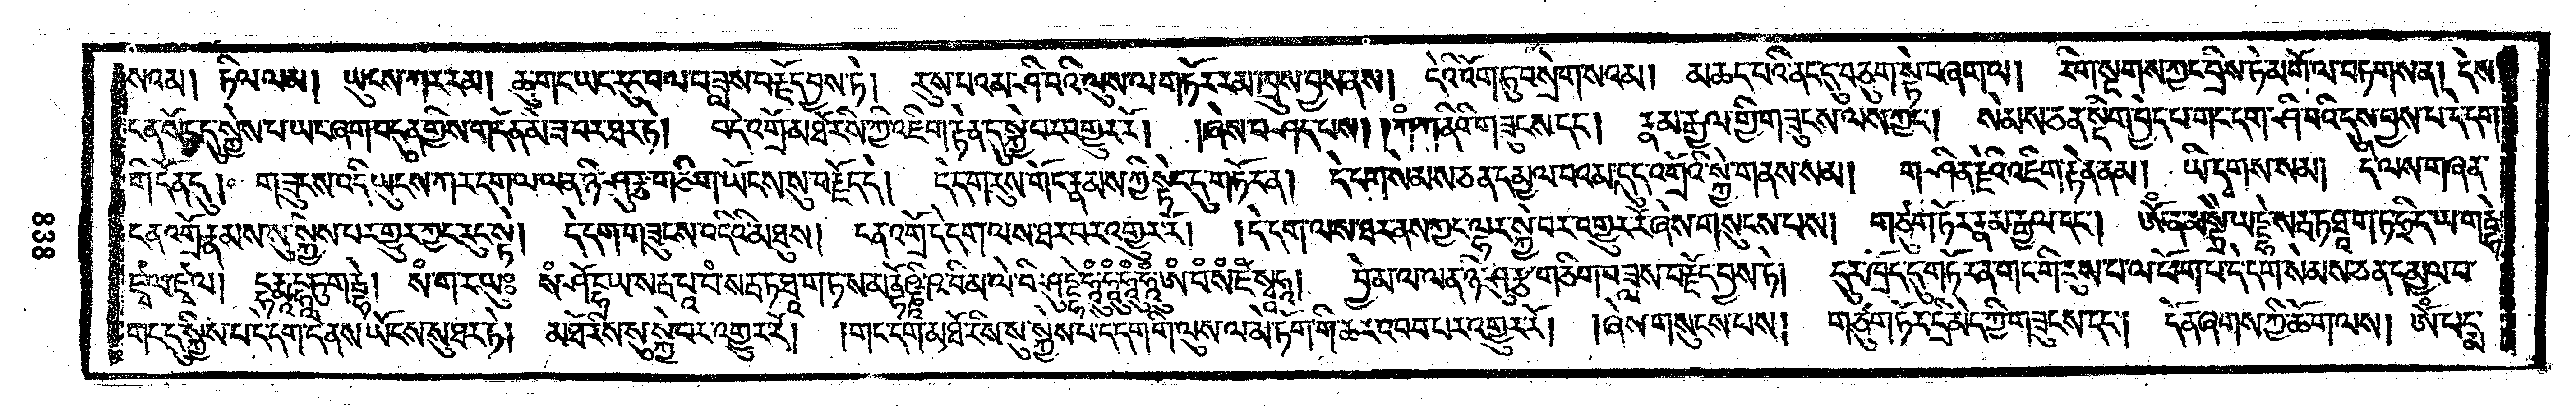སའམ། ཏིལ་ལམ། ཡུངས་ཀར་རམ། ཆུ་གང་ཡང་རུང་བལ་བཟླས་བརྗོད་བྱས་ཏེ། རུས་པའམ་ཤི་བའི་ལུས་ལ་གཏོར་རམ་ཁྲུས་བྱས་ནས། དེའི་འོག་ཏུ་བསྲེག་སའམ། མཆད་པའི་ནང་དུ་བཅུག་སྟེ་བཞག་ལ། རིག་སྔགས་ཀྱང་བྲིས་ཏེ་མགོ་ལ་བཏགས་ན། དེས་
ངན་སོང་དུ་སྐྱེས་པ་ཡང་ཞག་བདུན་གྱིས་གདོན་མི་ཟ་བར་ཐར་ཏེ། བདེ་འགྲོ་མཐོ་རིས་ཀྱི་འཇིག་རྟེན་དུ་སྐྱེ་བར་འགྱུར་རོ། །ཞེས་བཤད་པས། །ཀཾ་ཀ་ནིའི་གཟུངས་དང་། རྣམ་རྒྱལ་གྱི་གཟུངས་ལས་ཀྱང་། སེམས་ཅན་སྡིག་བྱེད་པ་གང་དག་ཤི་བའི་དུས་བྱས་པ་དེ་དག་
གི་དོན་དུ། གཟུངས་འདི་ཡུངས་ཀར་དག་ལ་ལན་ཉི་ཤུ་རྩ་གཅིག་ཡོངས་སུ་བརྗོད་དེ། དེ་དག་རུས་གོང་རྣམས་ཀྱི་སྟེང་དུ་གཏོར་ན། དེ་དག་སེམས་ཅན་དམྱལ་བའམ་དུད་འགྲོའི་སྐྱེ་གནས་སམ། གཤིན་རྗེའི་འཇིག་རྟེན་ནམ། ཡི་དྭགས་སམ། དེ་ལས་གཞན་
ངན་འགྲོ་རྣམས་སུ་སྐྱེས་པར་གྱུར་ཀྱང་རུང་སྟེ། དེ་དག་གཟུངས་འདིའི་མཐུས། ངན་འགྲོ་དེ་དག་ལས་ཐར་བར་འགྱུར་རོ། །དེ་དག་ལས་ཐར་ནས་ཀྱང་ལྷར་སྐྱེ་བར་འགྱུར་རོ་ཞེས་གསུངས་པས། གཙུག་ཏོར་རྣམ་རྒྱལ་དང་། ཨོཾ་ན་མ་སྟཻ་ཡདྡྷེ་སརྦ་ཏ་ཐཱ་ག་ཏ་ཧྲིད་ཡ་གརྦྷེ་
ཛྭ་ལ་ཛྭ་ལ། དྷརྨཱ་དྷཱ་ཏུ་གརྦྷེ། སཾ་གར་ཡུཿསཾ་ཤོདྷ་ཡ་སརྦ་པཱ་བཾ་སརྦ་ཏ་ཐཱ་གཏ་ས་མནྟོཥྞཱི་ཥ་བི་མ་ལེ་བི་ཤུདྡྷེ་ཧཱུཾ་ཧཱུཾ་ཧཱུཾ་ཧཱུཾ་ཨཾ་བཾ་སཾ་ཛི་སྭཱ་ཧཱ། བྱེ་མ་ལ་ལན་ཉི་ཤུ་རྩ་གཅིག་བཟླས་བརྗོད་བྱས་ཏེ། དུར་ཁྲོད་དུ་གཏོར་ན་གང་གི་རུས་པ་ལ་ཕོག་པ་དེ་དག་སེམས་ཅན་དམྱལ་བ་
གང་དུ་སྐྱིས་པ་དེ་དག་དེ་ནས་ཡོངས་སུ་ཐར་ཏེ། མཐོ་རིས་སུ་སྐྱེ་བར་འགྱུར་རོ། །གང་དག་མཐོ་རིས་སུ་སྐྱེས་པ་དེ་དག་གི་ལུས་ལ་མེ་ཏོག་གི་ཆར་འབབ་པར་འགྱུར་རོ། །ཞེས་གསུངས་པས། གཙུག་ཏོར་དྲི་མེད་ཀྱི་གཟུངས་དང་། དོན་ཞགས་ཀྱི་ཆོ་ག་ལས། ཨོཾ་པདམ་